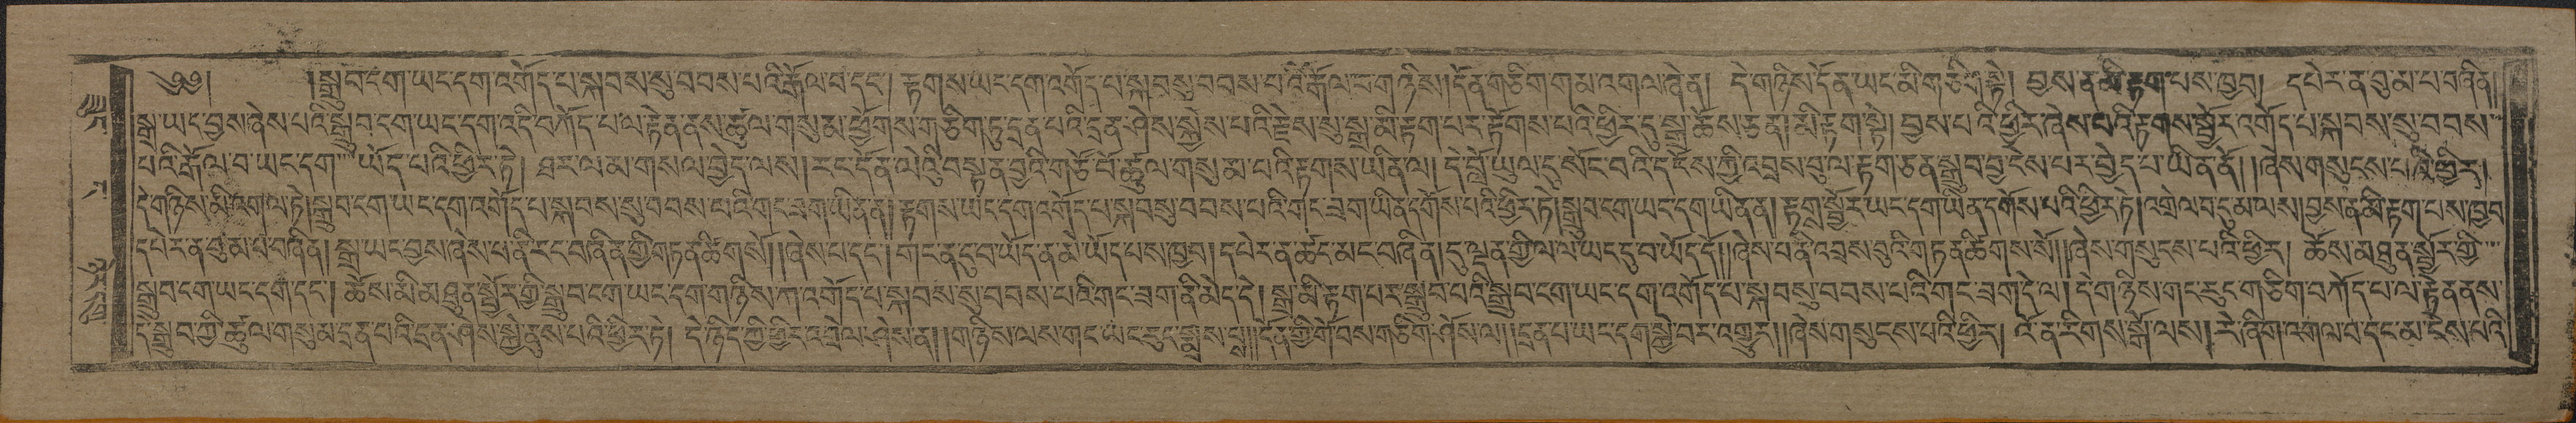༄༅། །སྒྲུབ་ངག་ཡང་དག་འགོད་པ་སྐབས་སུ་བབས་པའི་རྒོལ་བ་དང་། རྟགས་ཡང་དག་འགོད་པ་སྐབས་སུ་བབས་པའི་རྒོལ་བ་གཉིས། དོན་གཅིག་གམ་འགལ་ཞེ་ན། དེ་གཉིས་དོན་ཡང་མི་གཅིག་སྟེ། བྱས་ན་མི་རྟག་པས་ཁྱབ། དཔེར་ན་བུམ་པ་བཞིན།
སྒྲ་ཡང་བྱས་ཞེས་པའི་སྒྲུབ་ངག་ཡང་དག་འདི་བཀོད་པ་ལ་རྟེན་ནས་ཚུལ་གསུམ་ཕྱོགས་གཅིག་ཏུ་དྲན་པའི་དྲན་ཤེས་སྐྱེས་པའི་རྗེས་སུ་སྒྲ་མི་རྟག་པར་རྟོགས་པའི་ཕྱིར་དུ་སྒྲ་ཆོས་ཅན། མི་རྟག་སྟེ། བྱས་པའི་ཕྱིར་ཞེས་པའི་རྟགས་སྦྱོར་འགོད་པ་སྐབས་སུ་བབས་
པའི་རྒོལ་བ་ཡང་དག་ཡོད་པའི་ཕྱིར་ཏེ། ཐར་ལམ་གསལ་བྱེད་ལས། རང་དོན་ལེའུའི་བསྟན་བྱའི་གཙོ་བོར་ཚུལ་གསུམ་པའི་རྟགས་ཡིན་ལ། དེ་བློ་ཡུལ་དུ་སོང་བའི་དངོས་ཀྱི་འབྲས་བུ་ལ་རྟག་ཅན་སྒྲུབ་བྱ་ངེས་པར་བྱེད་པ་ཡིན་ནོ། །ཞེས་གསུངས་པའི་ཕྱིར།
དེ་གཉིས་མི་འགལ་ཏེ། སྒྲུབ་ངག་ཡང་དག་འགོད་པ་སྐབས་སུ་བབས་པའི་གང་ཟག་ཡིན་ན། རྟགས་ཡང་དག་འགོད་པ་སྐབས་སུ་བབས་པའི་གང་ཟག་ཡིན་དགོས་པའི་ཕྱིར་ཏེ། སྒྲུབ་ངག་ཡང་དག་ཡིན་ན། རྟགས་སྦྱོར་ཡང་དག་ཡིན་དགོས་པའི་ཕྱིར་ཏེ། འགྲེལ་བ་དུ་མ་ལས། བྱས་ན་མི་རྟག་པས་ཁྱབ་
དཔེར་ན་བུམ་པ་བཞིན། སྒྲ་ཡང་བྱས་ཞེས་པ་ནི་རང་བཞིན་གྱི་གཏན་ཚིགས་སོ། །ཞེས་པ་དང་། གང་ན་དུ་བ་ཡོད་ན་མེ་ཡོད་པས་ཁྱབ། དཔེར་ན་ཚང་མང་བཞིན། དུ་ལྡན་གྱི་ལ་ལ་ཡང་དུ་བ་ཡོད་དོ། །ཞེས་པ་ནི་འབྲས་བུའི་གཏན་ཚིགས་སོ། །ཞེས་གསུངས་པའི་ཕྱིར། ཆོས་མཐུན་སྦྱོར་གྱི་
སྒྲུབ་ངག་ཡང་དག་དང་། ཆོས་མི་མཐུན་སྦྱོར་གྱི་སྒྲུབ་ངག་ཡང་དག་གཉིས་ཀ་འགོད་པ་སྐབས་སུ་བབས་པའི་གང་ཟག་ནི་མེད་དེ། སྒྲ་མི་རྟག་པར་སྒྲུབ་པའི་སྒྲུབ་ངག་ཡང་དག་འགོད་པ་སྐབས་སུ་བབས་པའི་གང་ཟག་དེ་ལ། དེ་གཉིས་གང་རུང་གཅིག་བཀོད་པ་ལ་རྟེན་ནས་
དེ་སྒྲུབ་ཀྱི་ཚུལ་གསུམ་དྲན་པའི་དྲན་ཤེས་སྐྱེ་ནུས་པའི་ཕྱིར་ཏེ། དེ་ཉིད་ཀྱི་ཕྱིར་འབྲེལ་ཤེས་ན། །གཉིས་ལས་གང་ཡང་རུང་སྨྲས་པས། །དོན་གྱི་གོ་བས་གཅིག་ཤོས་ལ། །དྲན་པ་ཡང་དག་སྐྱེ་བར་འགྱུར། །ཞེས་གསུངས་པའི་ཕྱིར། འོ་ན་རིགས་སྒོ་ལས། རེ་ཞིག་འགལ་བ་དང་མ་ངེས་པའི་